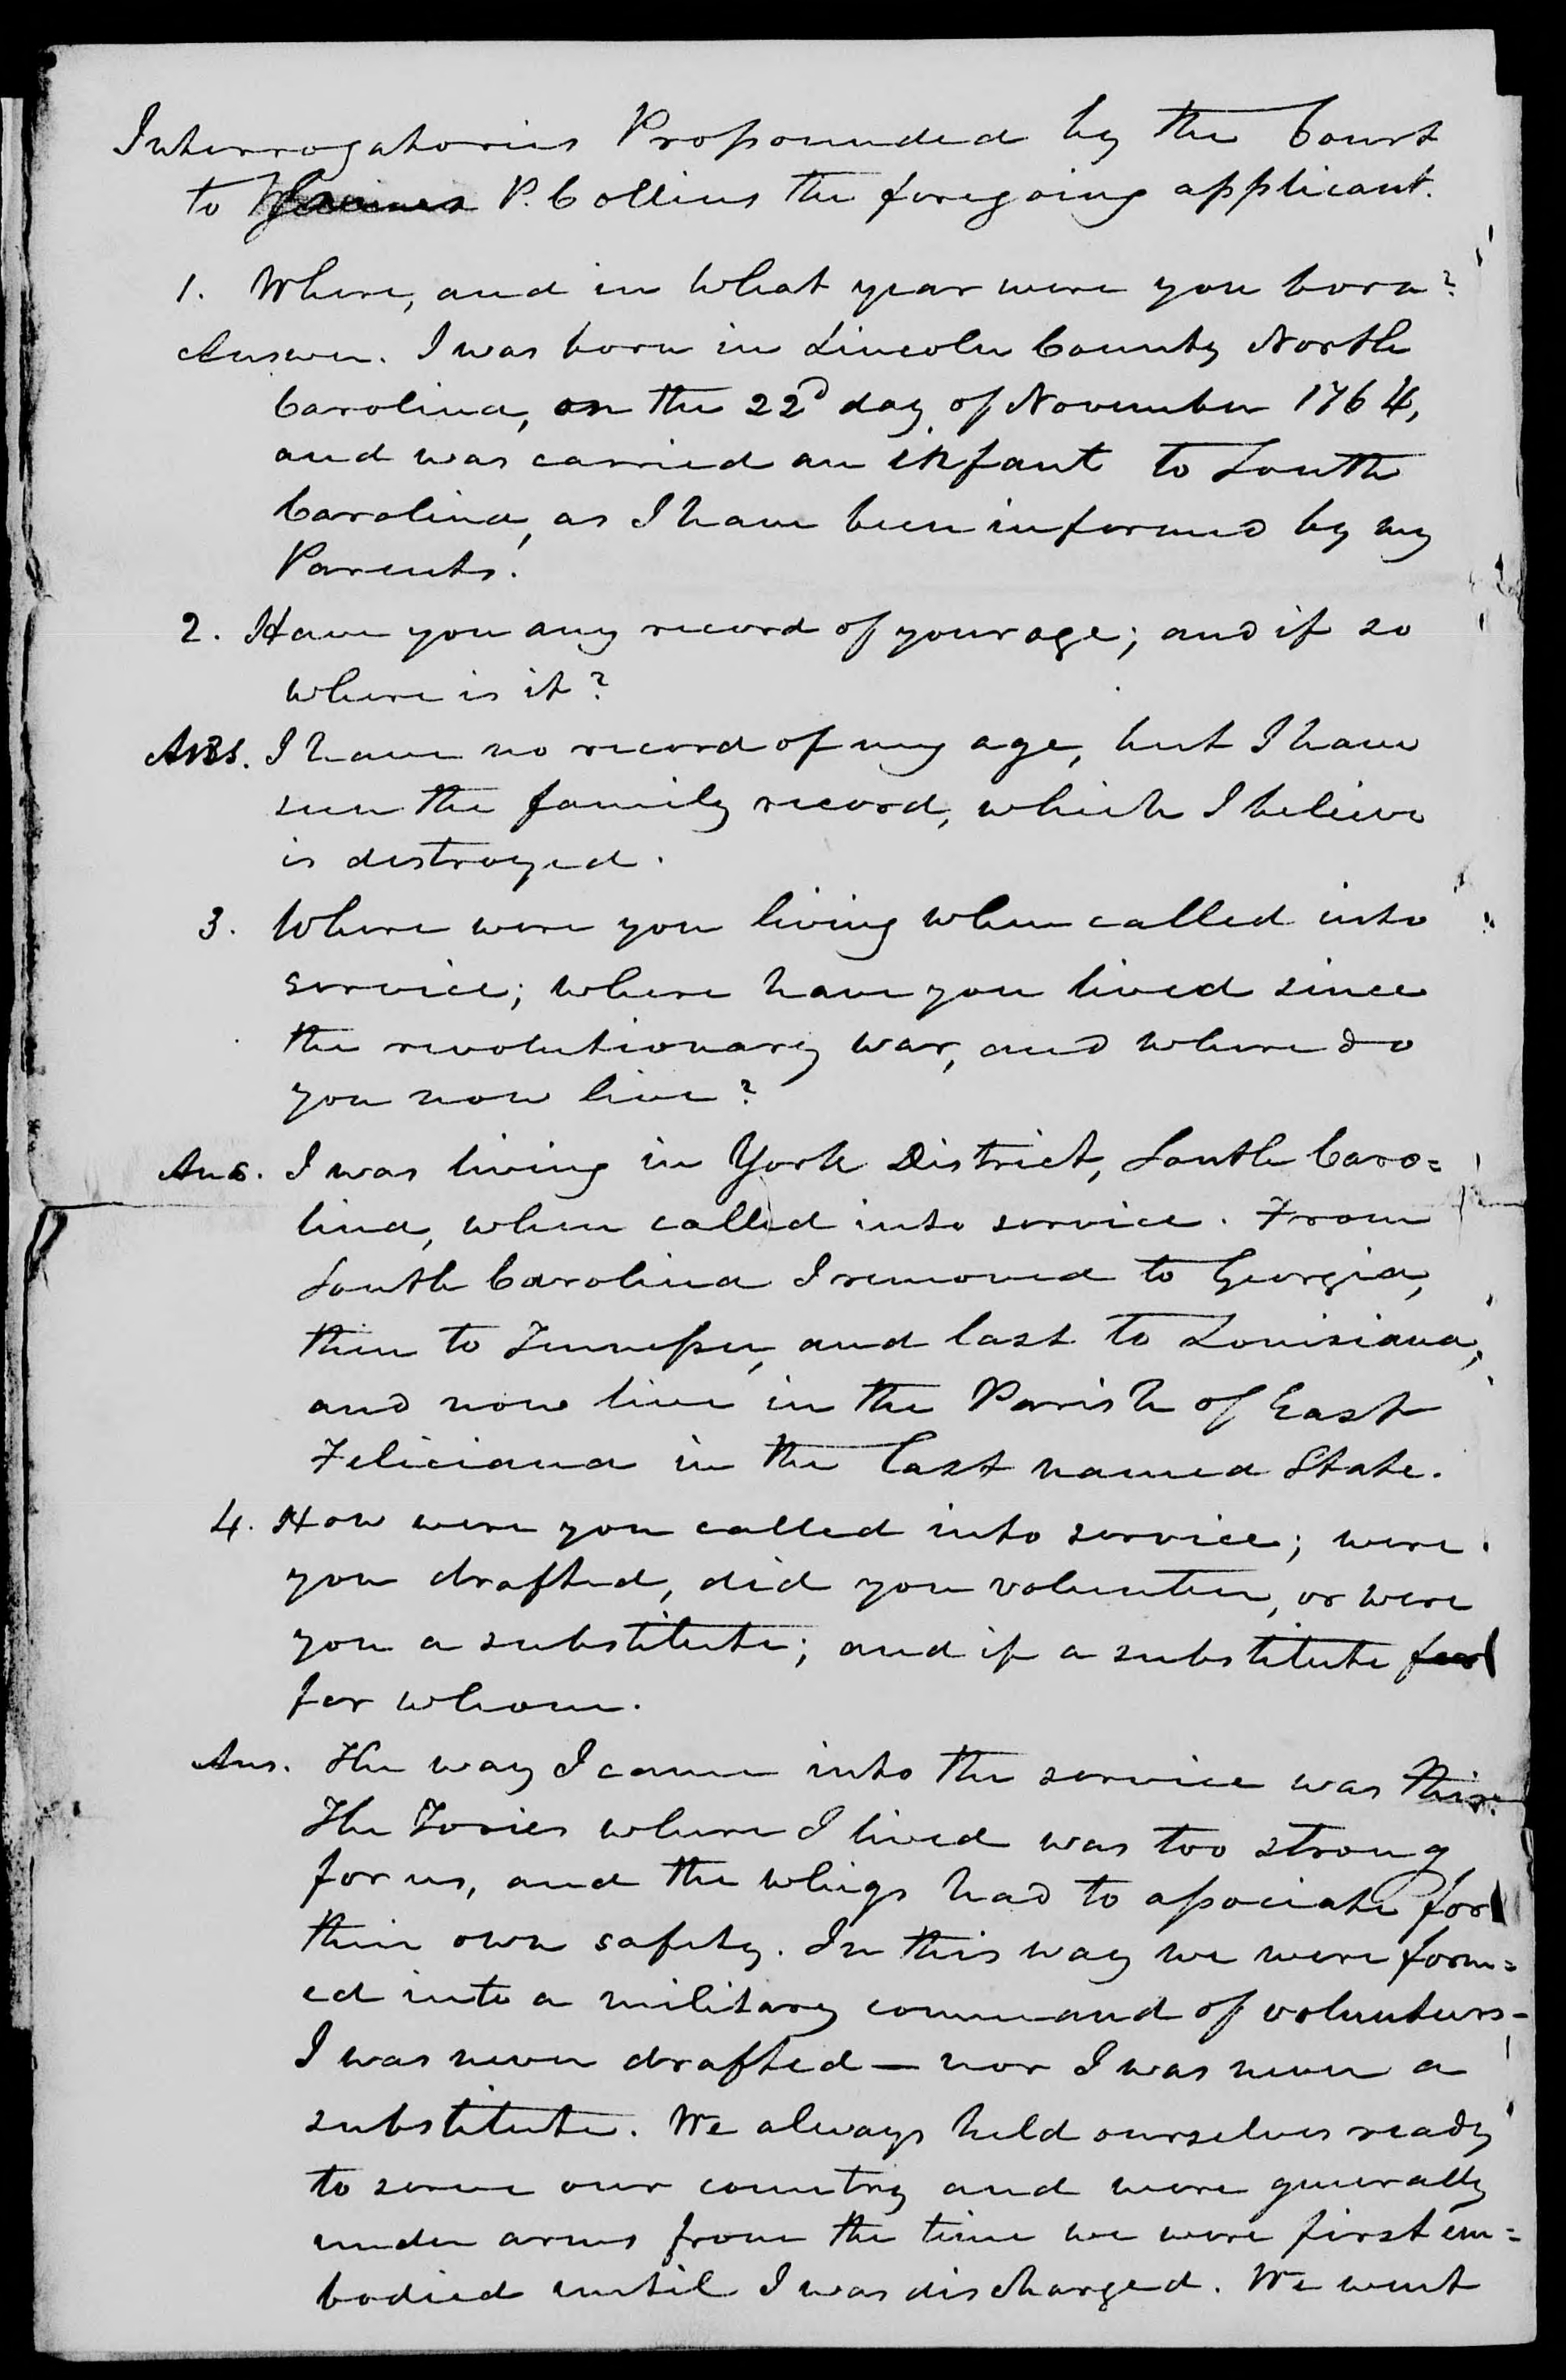Interrogatories propounded by the Court to James P Collins the foregoing applicant.
1. Where, and in what year were you born?
Answer. I was born in Lincoln County North Carolina, on the 22d day of November 1764 and was carried on infant to South Carolina, as I have been informed by my Parents
2. Have you any record of your age; and if so where is it?
Ans I have no record of my age, but I have seen the family record, which I believe is destroyed.
3 Where were you living when called into service; where have you lived since the revolutionary war, and where do you now live?
Ans I was living in York District, South Carolina when called into service. From South Carolina I removed to Georgia then to Tennessee and last to Louisiana and now live in the Parish of East
Feliciana in the last named state
4. How were you called into service; were you drafted, did you volunteer or were you a substitute; and if a substitute for for whom
Ans. The way I came into the service was this The Tories where I lived was too strong for us, and the Whigs had to associate for their own safety. In this way we were formed into a military command of volunteers I was never drafted for I was never a substitute. We always held ourselves ready to serve our country and were generally under arms from the time we were first embodied until I was discharged. We went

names: James P Collins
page: 5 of 48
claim: rejected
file: R. 2173, James P Collins, S. C.